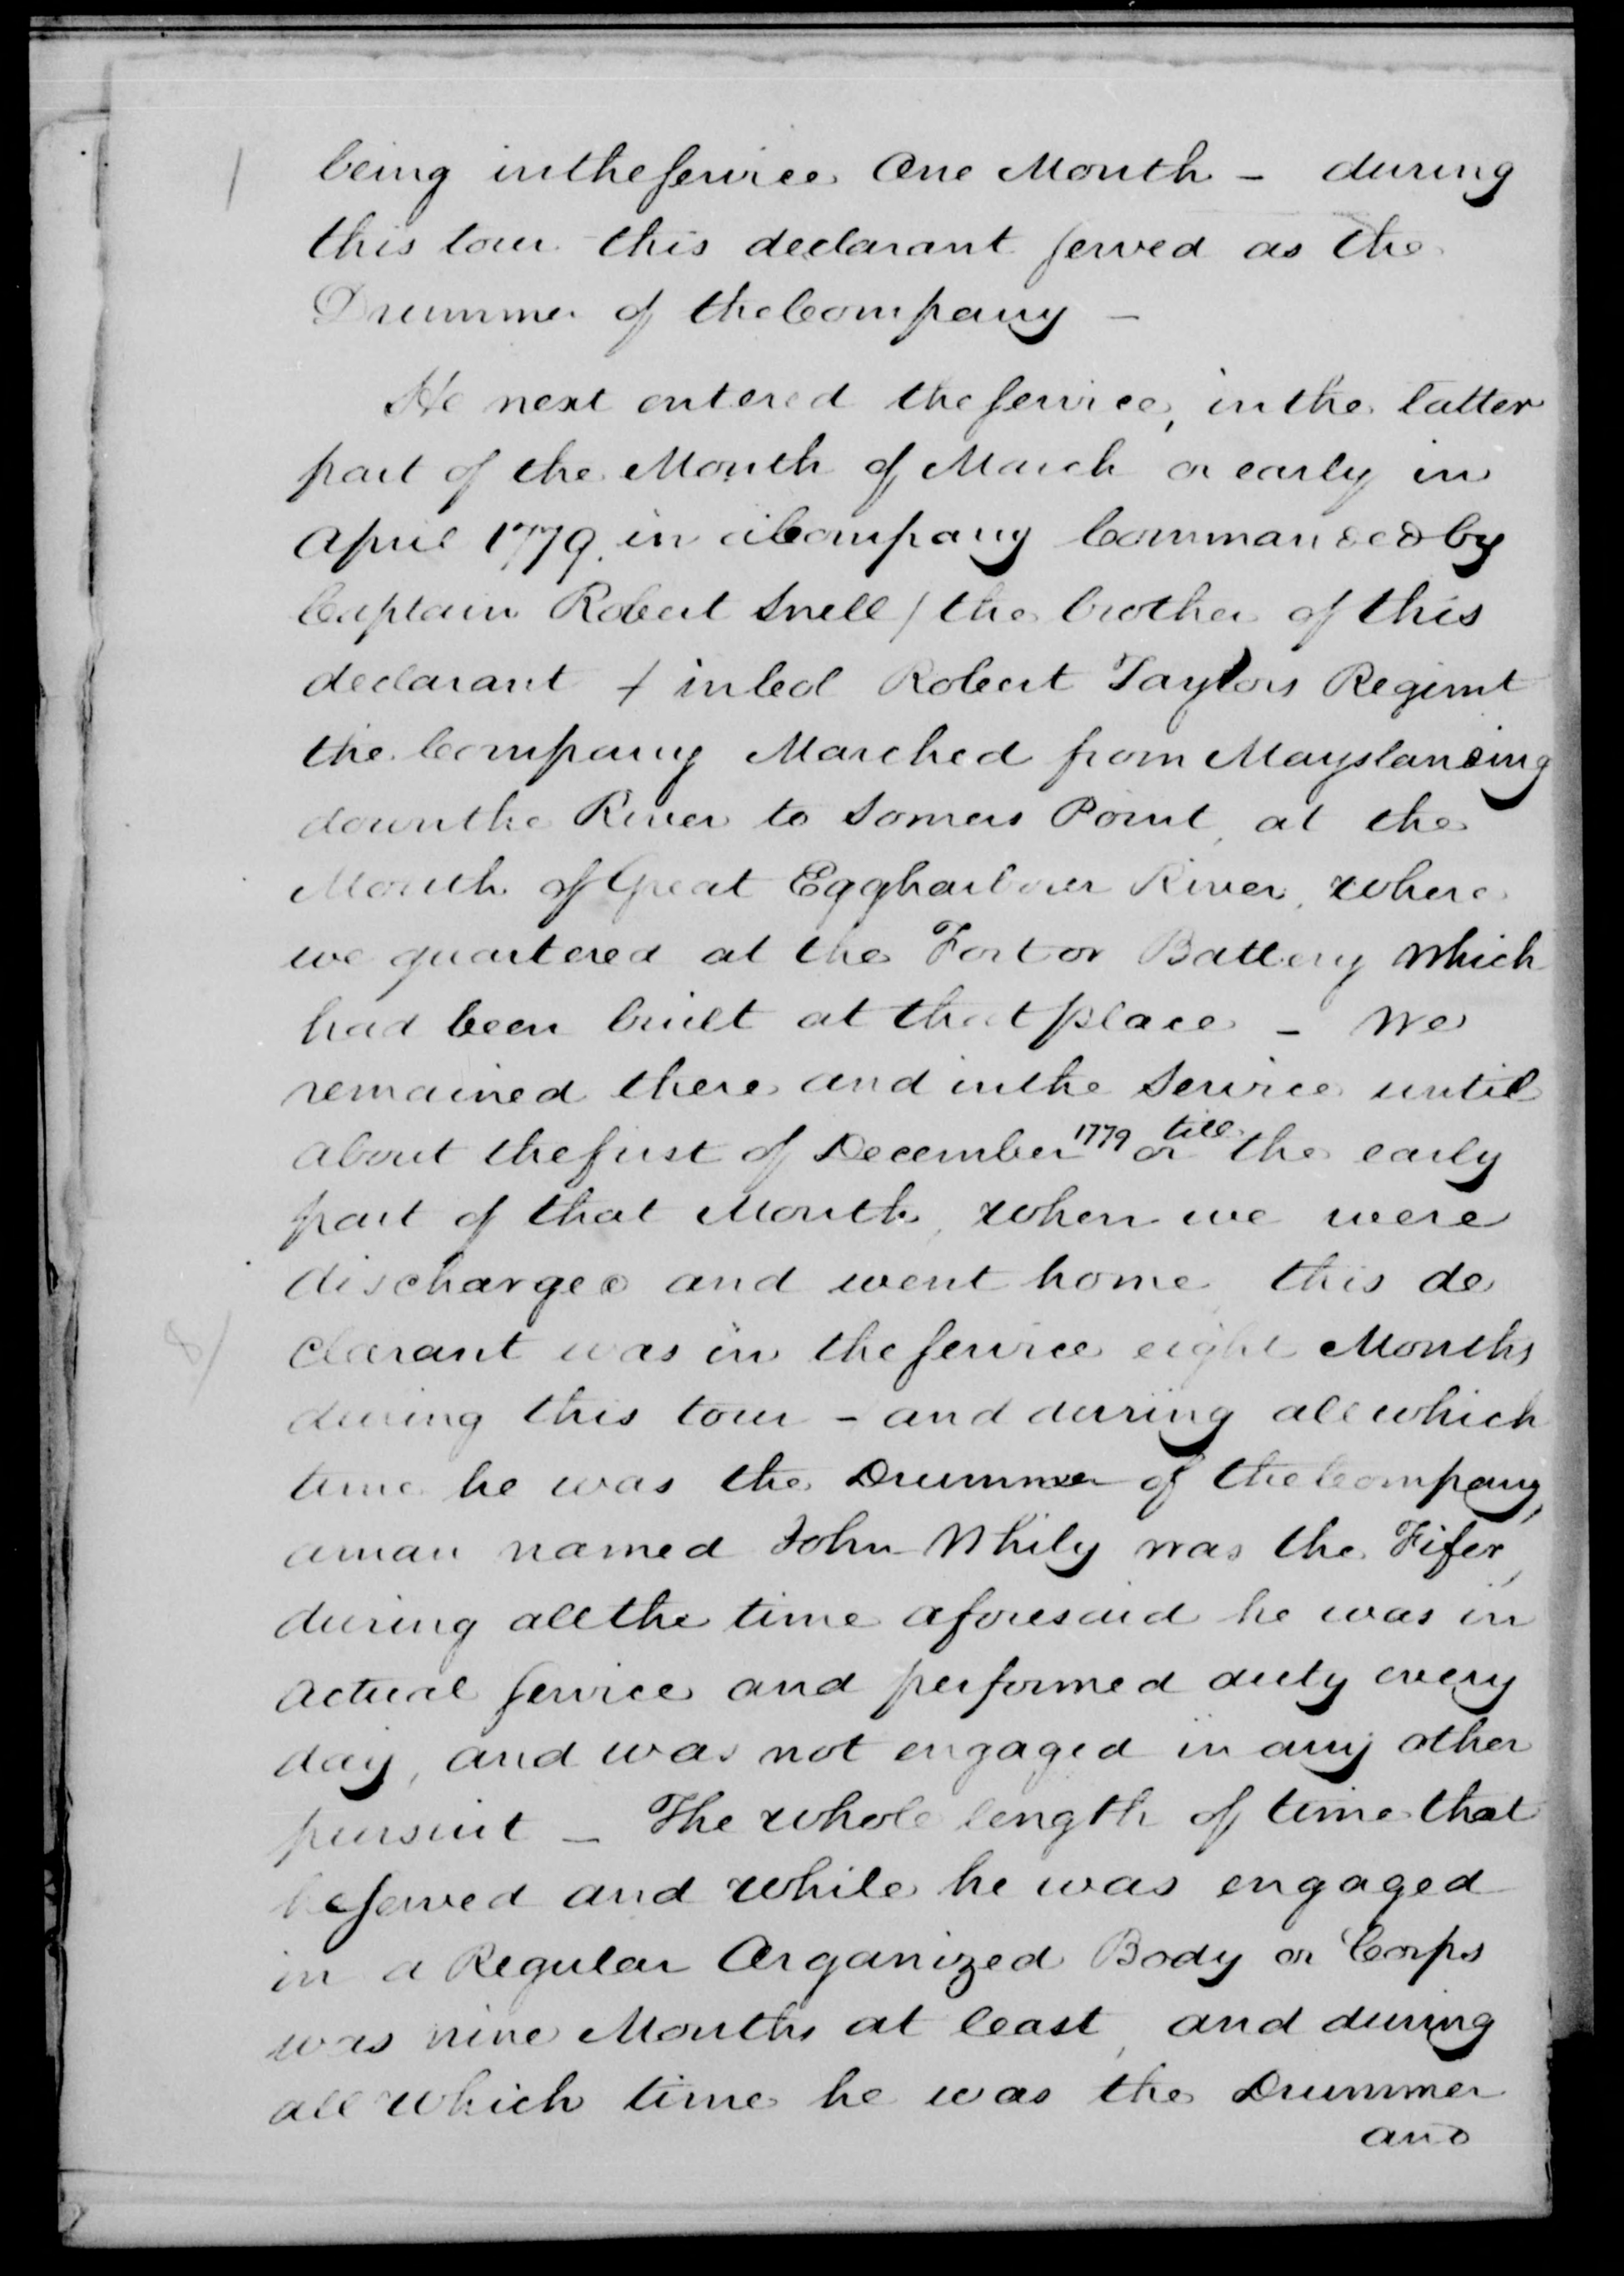being in the service one month – during this time whit declarant service as the Drummer of the Company – 
He next entered the service, in the latter part of the month of March or early in April 1779 in Company Commanded by Captain Robert Snell / the brother of the declarant / in Col Robert Taylor’s Regiment  the Company Marched from Mayslanding down the River to Somers Point at the mouth of Great Eggharbor River, where we quartered at the Fort or Battery which had been built at that place.  We remained there and in the service until about the first of December 1779 or till the early part of the month when we were discharged and went home.  this declarant was in the service eight months during this tour – and during all which time he was the Drummer of the Company, a man named John Whily was the Fifer, during all the time aforesaid he was in actual service and performed duty every day, and was not engaged in any other pursuit.  The whole length of time that he Served and while he was engaged in a Regular Organized Body or Corps was nine months at least, and during all which time he was the Drummer and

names: John Whily; Robert Snell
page: 9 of 27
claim: rejected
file: R. 9,892, for Henry Snell, New Jersey